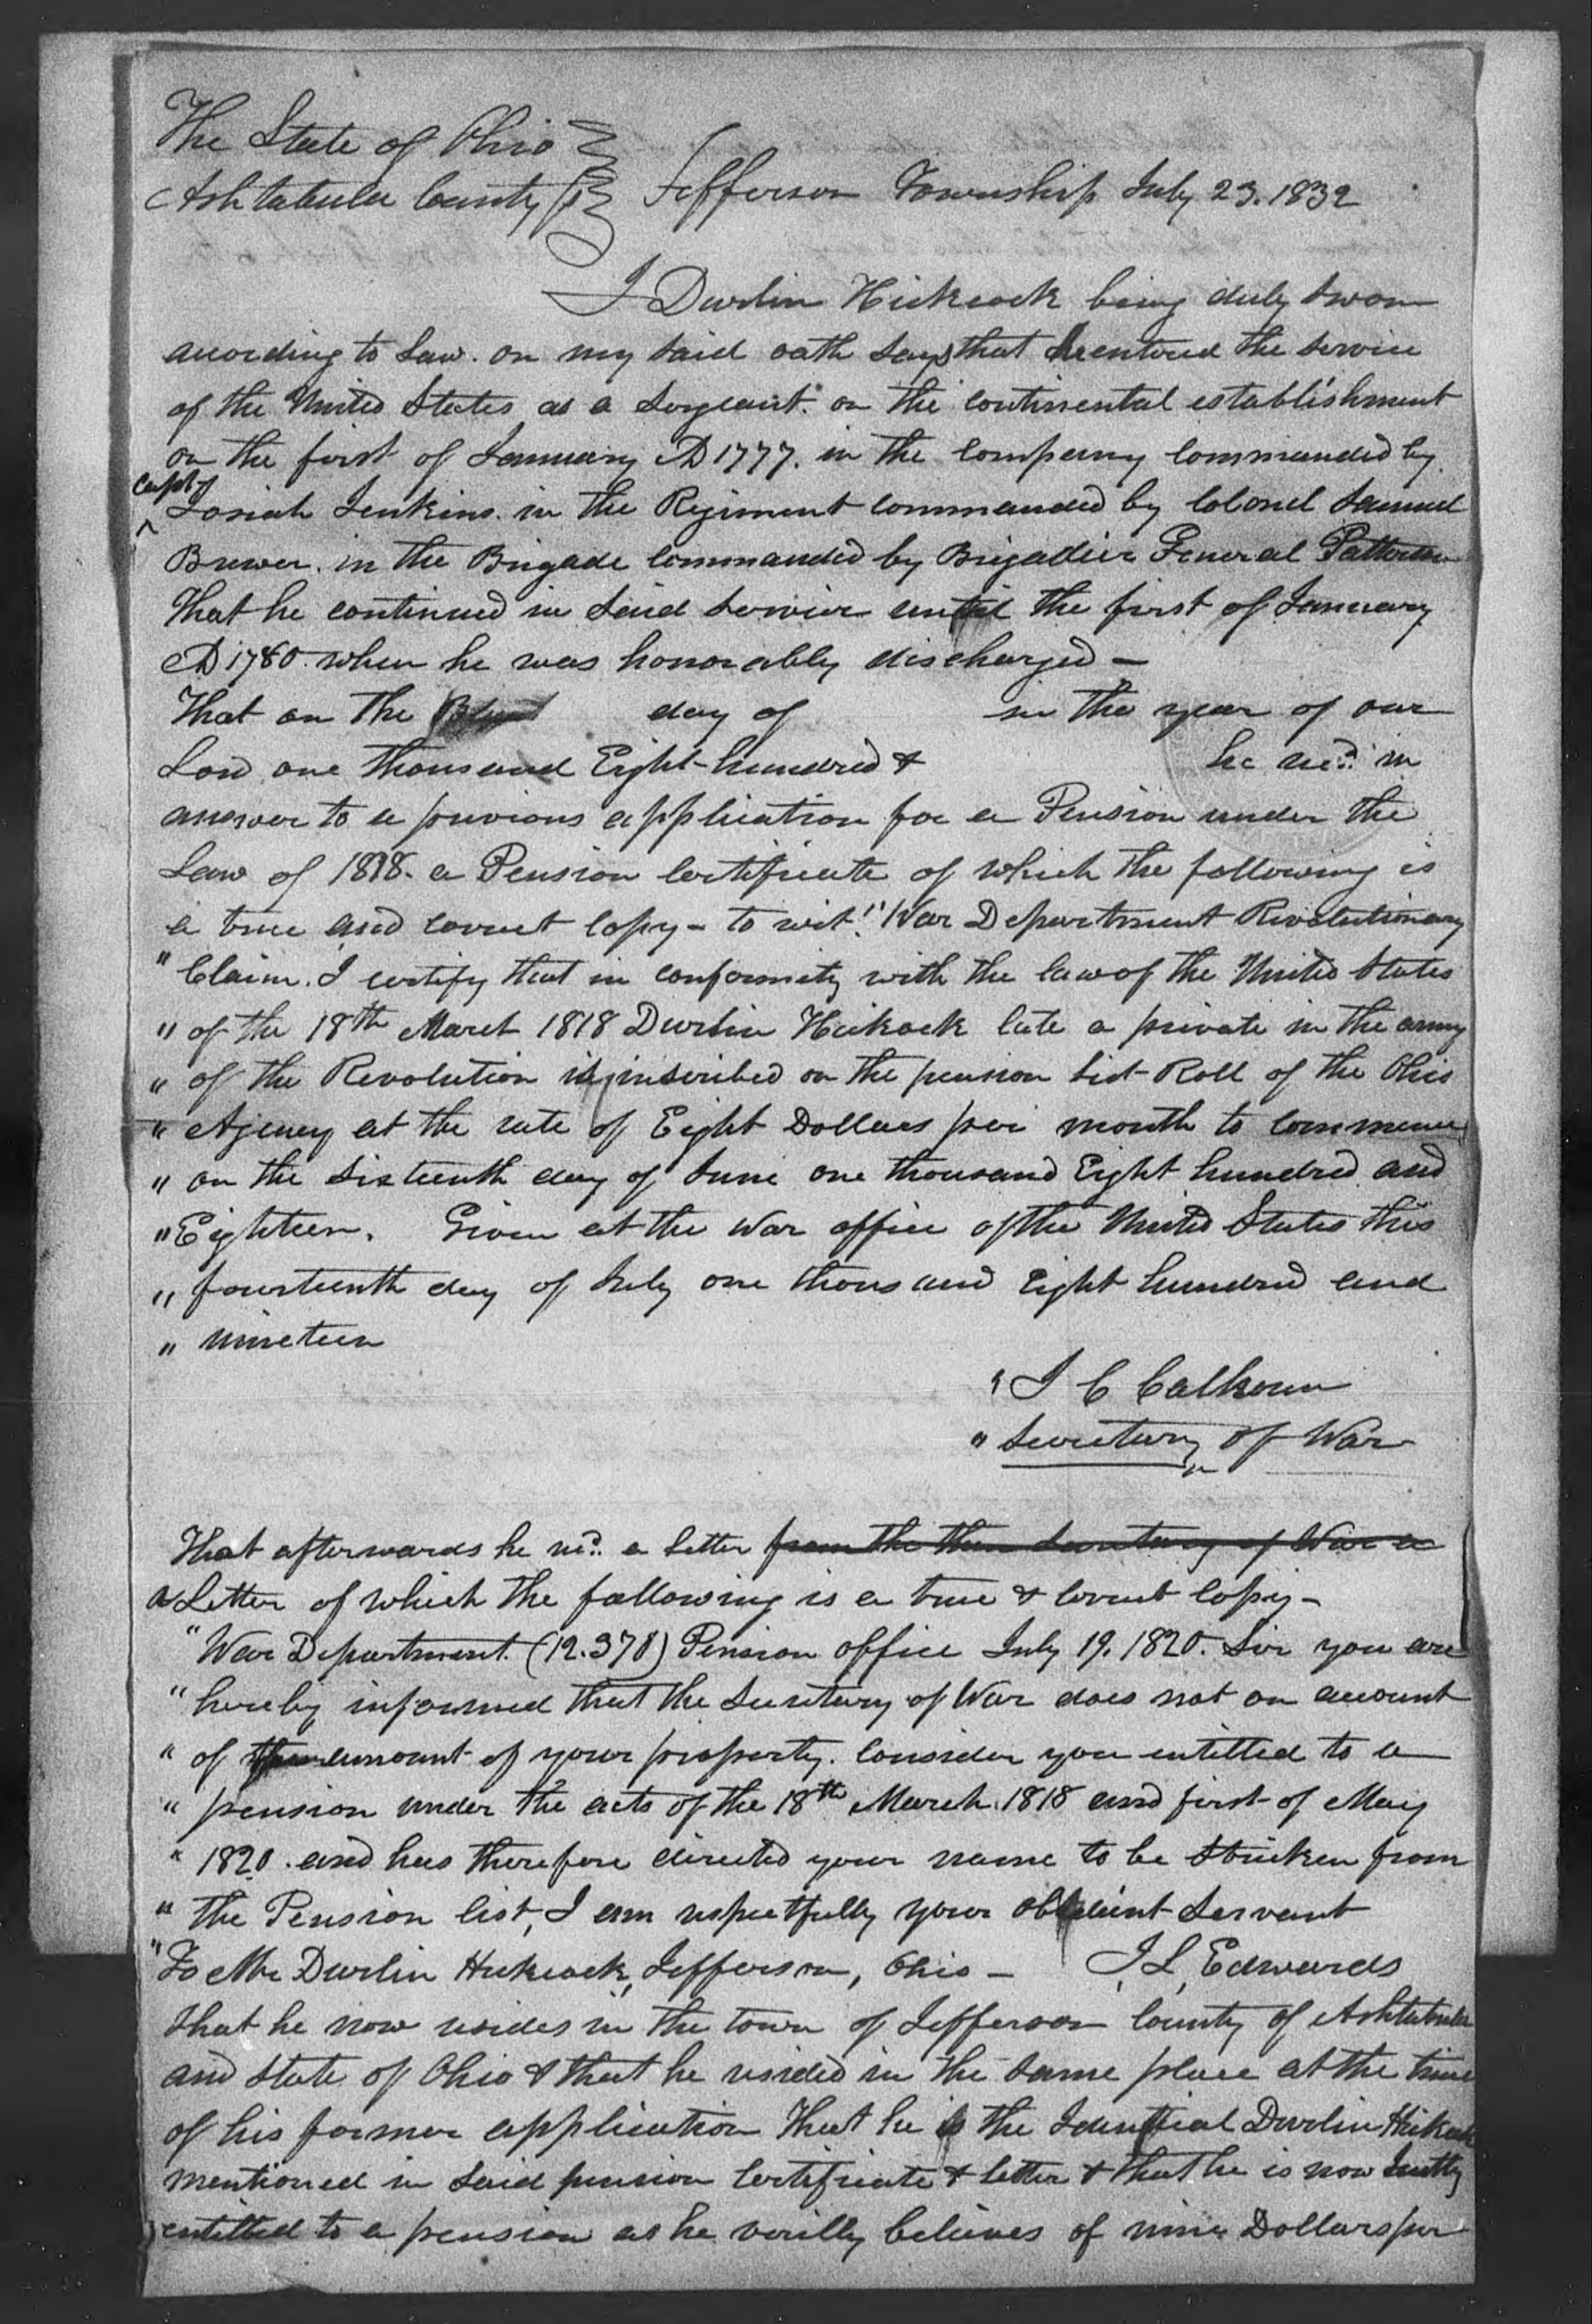The State of Ohio
Ashtabula County 
Jefferson Township July 23, 1832

I Durlin Hickock being duly sworn according to law on my said oath [illegible] that he entered the service of the United Stes as a sergeant on the continental establishment on the first of January AD 1777 in the company commanded by Josiah Jenkins in the Regiment commanded by Colonel Samuel Brewer in the Brigade commanded by Brigadier General Patter
That he continued in said service until the first of January
1780 when he was honorably discharged-
That on the day of
Lord one thousand Eight hundred &
in the year of our
he was in
answer to a previous application for a Pension under the
Law of 1818. a Pension Certificate of which the following is a
true and Covent copy-- to wit: War Department Revolutionary
claim. I certify that in conformity with the law of the United States
of the 18th March 1818 Darlin Hickock late a private in the army
" of the Revolution is inscribed on the pension List Roll of the Ohio
Agency at the rate of Eight Dollars for month to commence
" on the sixteenth day of June one thousand Eight hundred and
Eighteen. Given at the War office of the United States this
" fourteenth day of July one thousand Eight hundred and  nineteen

J C Calhoun
Secretary of War

That afterwards he recd a letter from
Letter of which the following is a true & lovent copy-
1
War Department (12.378) Pension office July 19, 1820, Sir you are
hereby informed that the Suritary of War does not on account
of amount of your property, consider you entitled to a
pension under the acts of the 18th March 1818 and first of May
1820 and has therefore directed your name to be stricken from ┃
"the Pension list, I am respectfully your obedient Servant
Joe Durlin Hickok, Jefferson, Ohio
J L Edwards
that he now resides in the town of Jefferson County of Ashtabula
and State of Ohio & that he resided in the same place at the time
of his former application that he is the Idential Durlin Hickok 
mentioned in said pension certificate & letter & that he is now [illegible]
entitled to a pension as he verily believes of nine Dollars per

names: Durlin Hickock, J C Calhoun, J L Edwards, Samuel Brewer, Durlin Hickcock, Josiah Jenkins, Patterson, Durlin Hickok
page: 10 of 45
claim: widow's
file: W. 4988, Durlin Hickok, Mass.